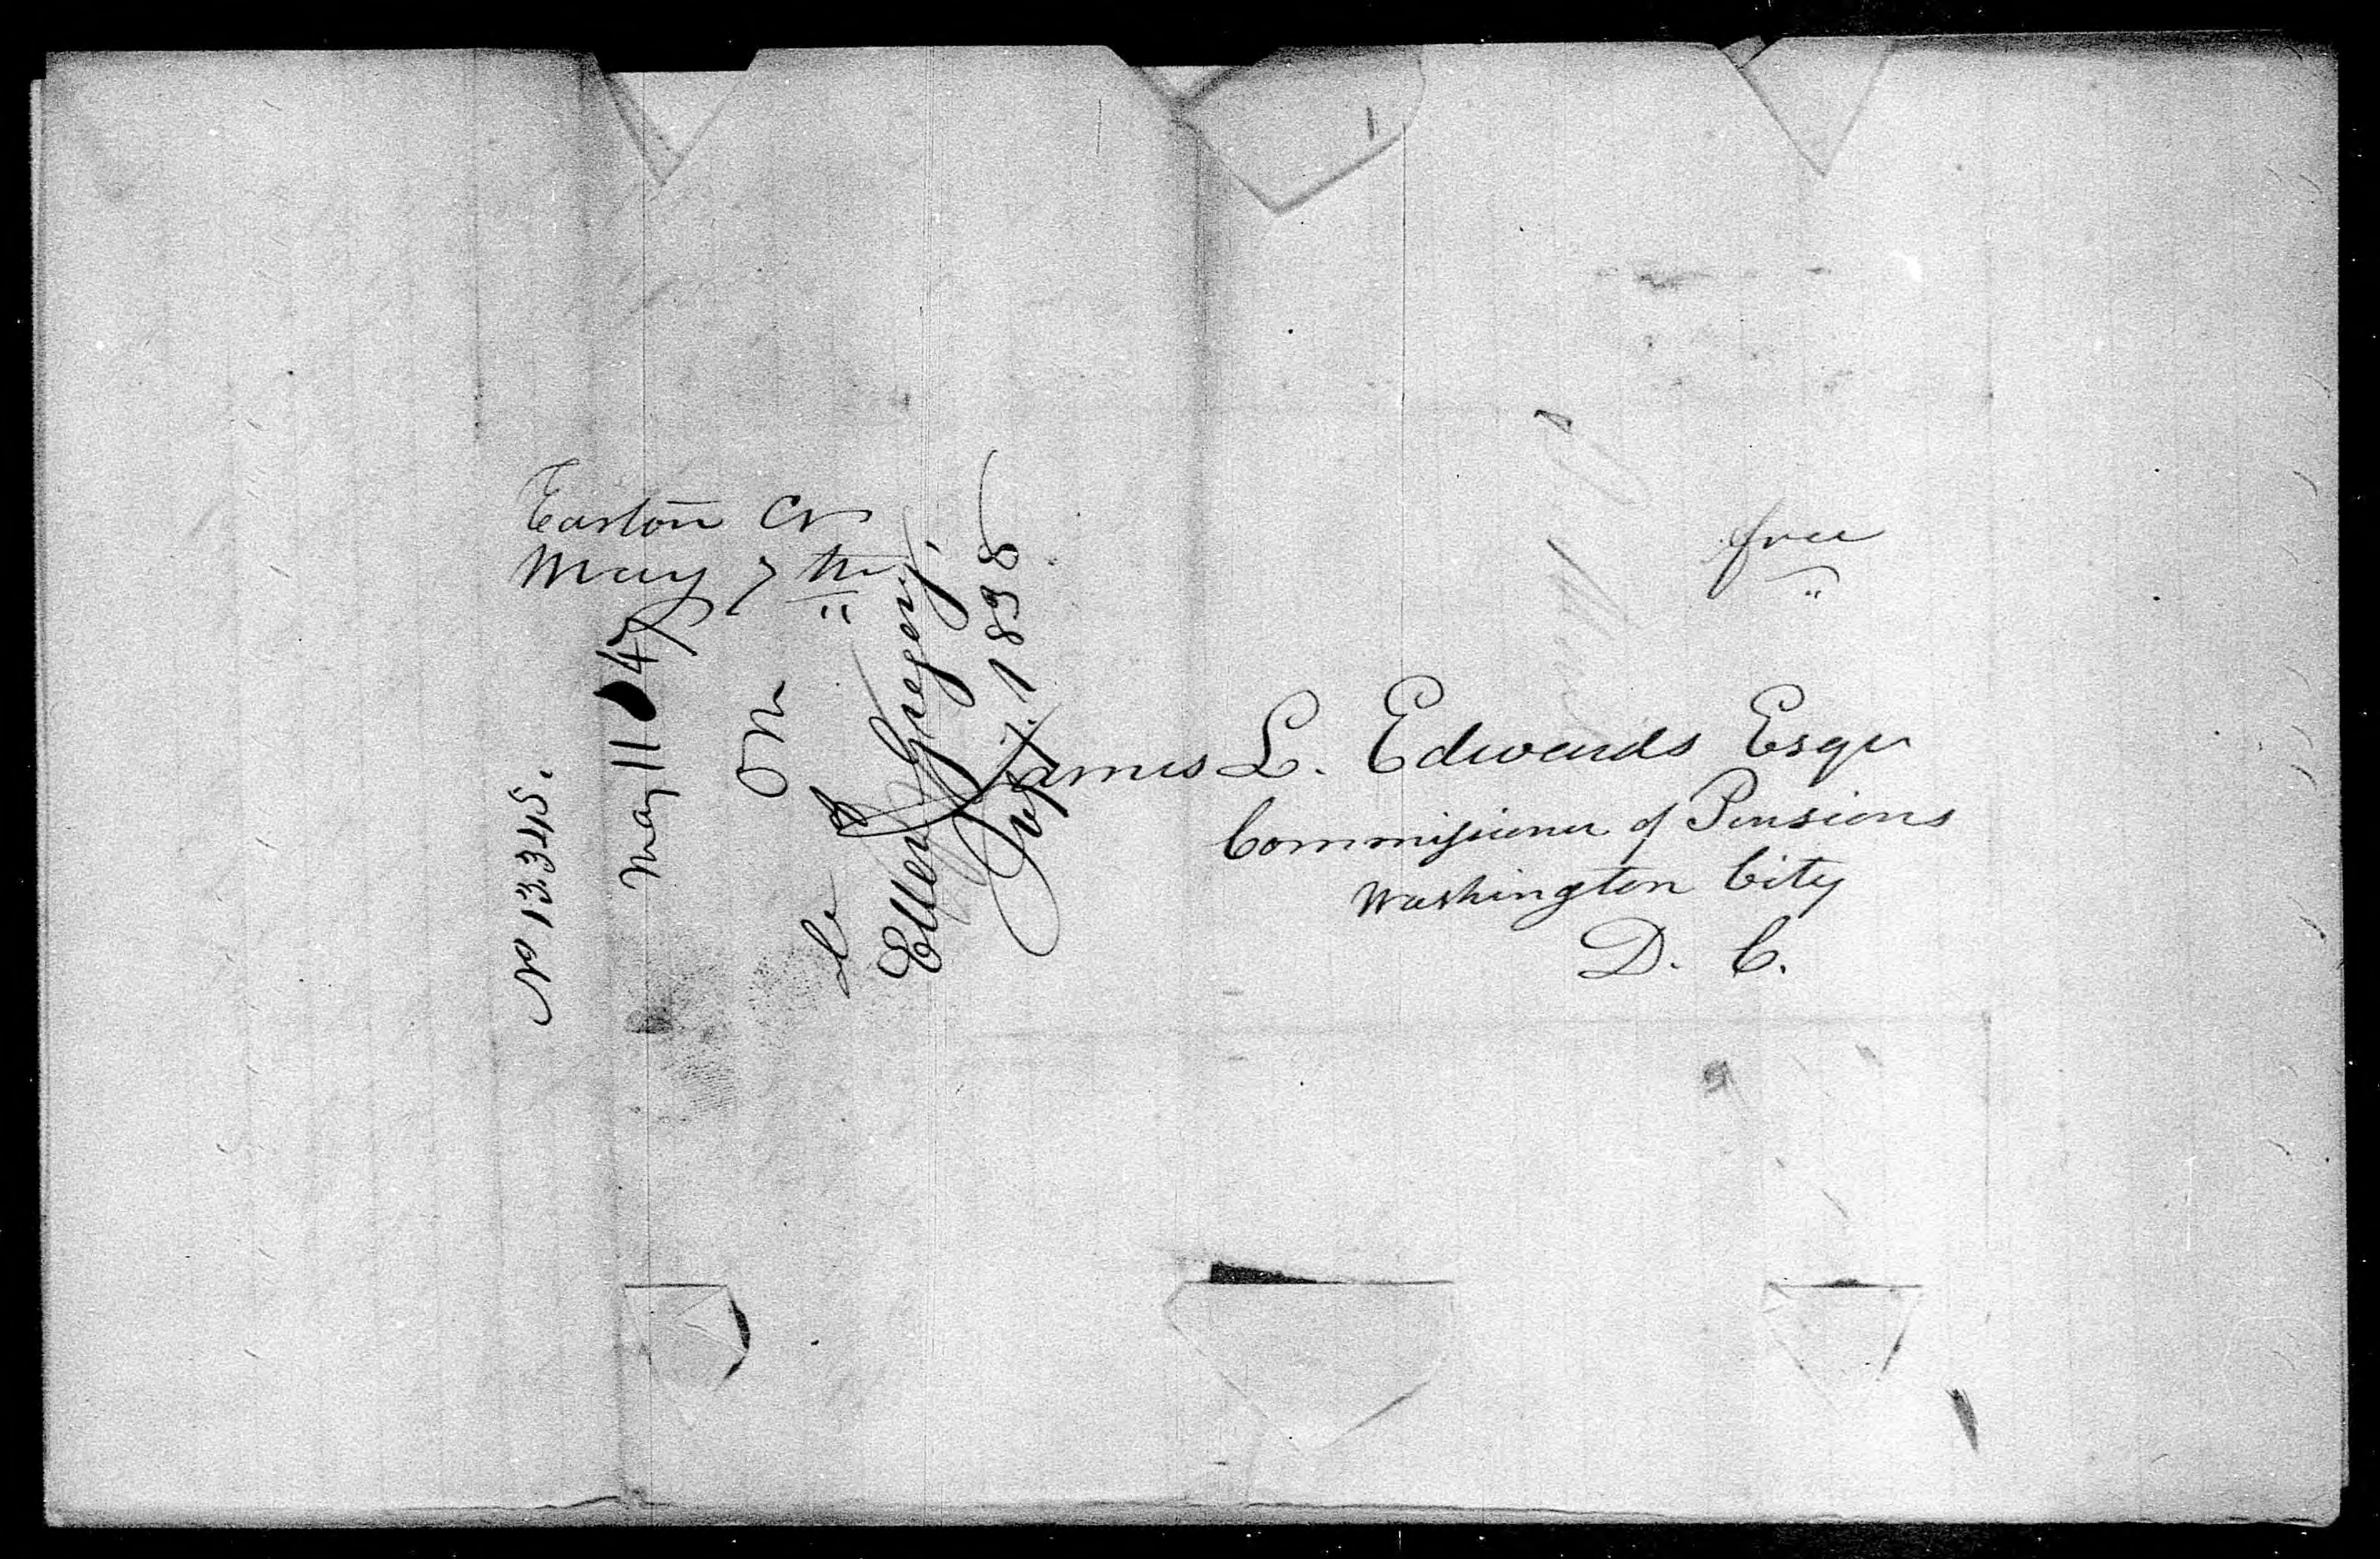Easton Ct
May 7th                                           free

            James L. Edwards Esqr
                Commissioner of Pensions
                       Washington City
                                   D.C.


[Written vertically, left side] 
    No 13345
May 11 '47
           OM
 of Ellen Gregory 
    May 7 1838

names: James L Edwards, Ellen Gregory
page: 45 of 49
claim: widow's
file: W 24308, Josiah Gregory, Conn.